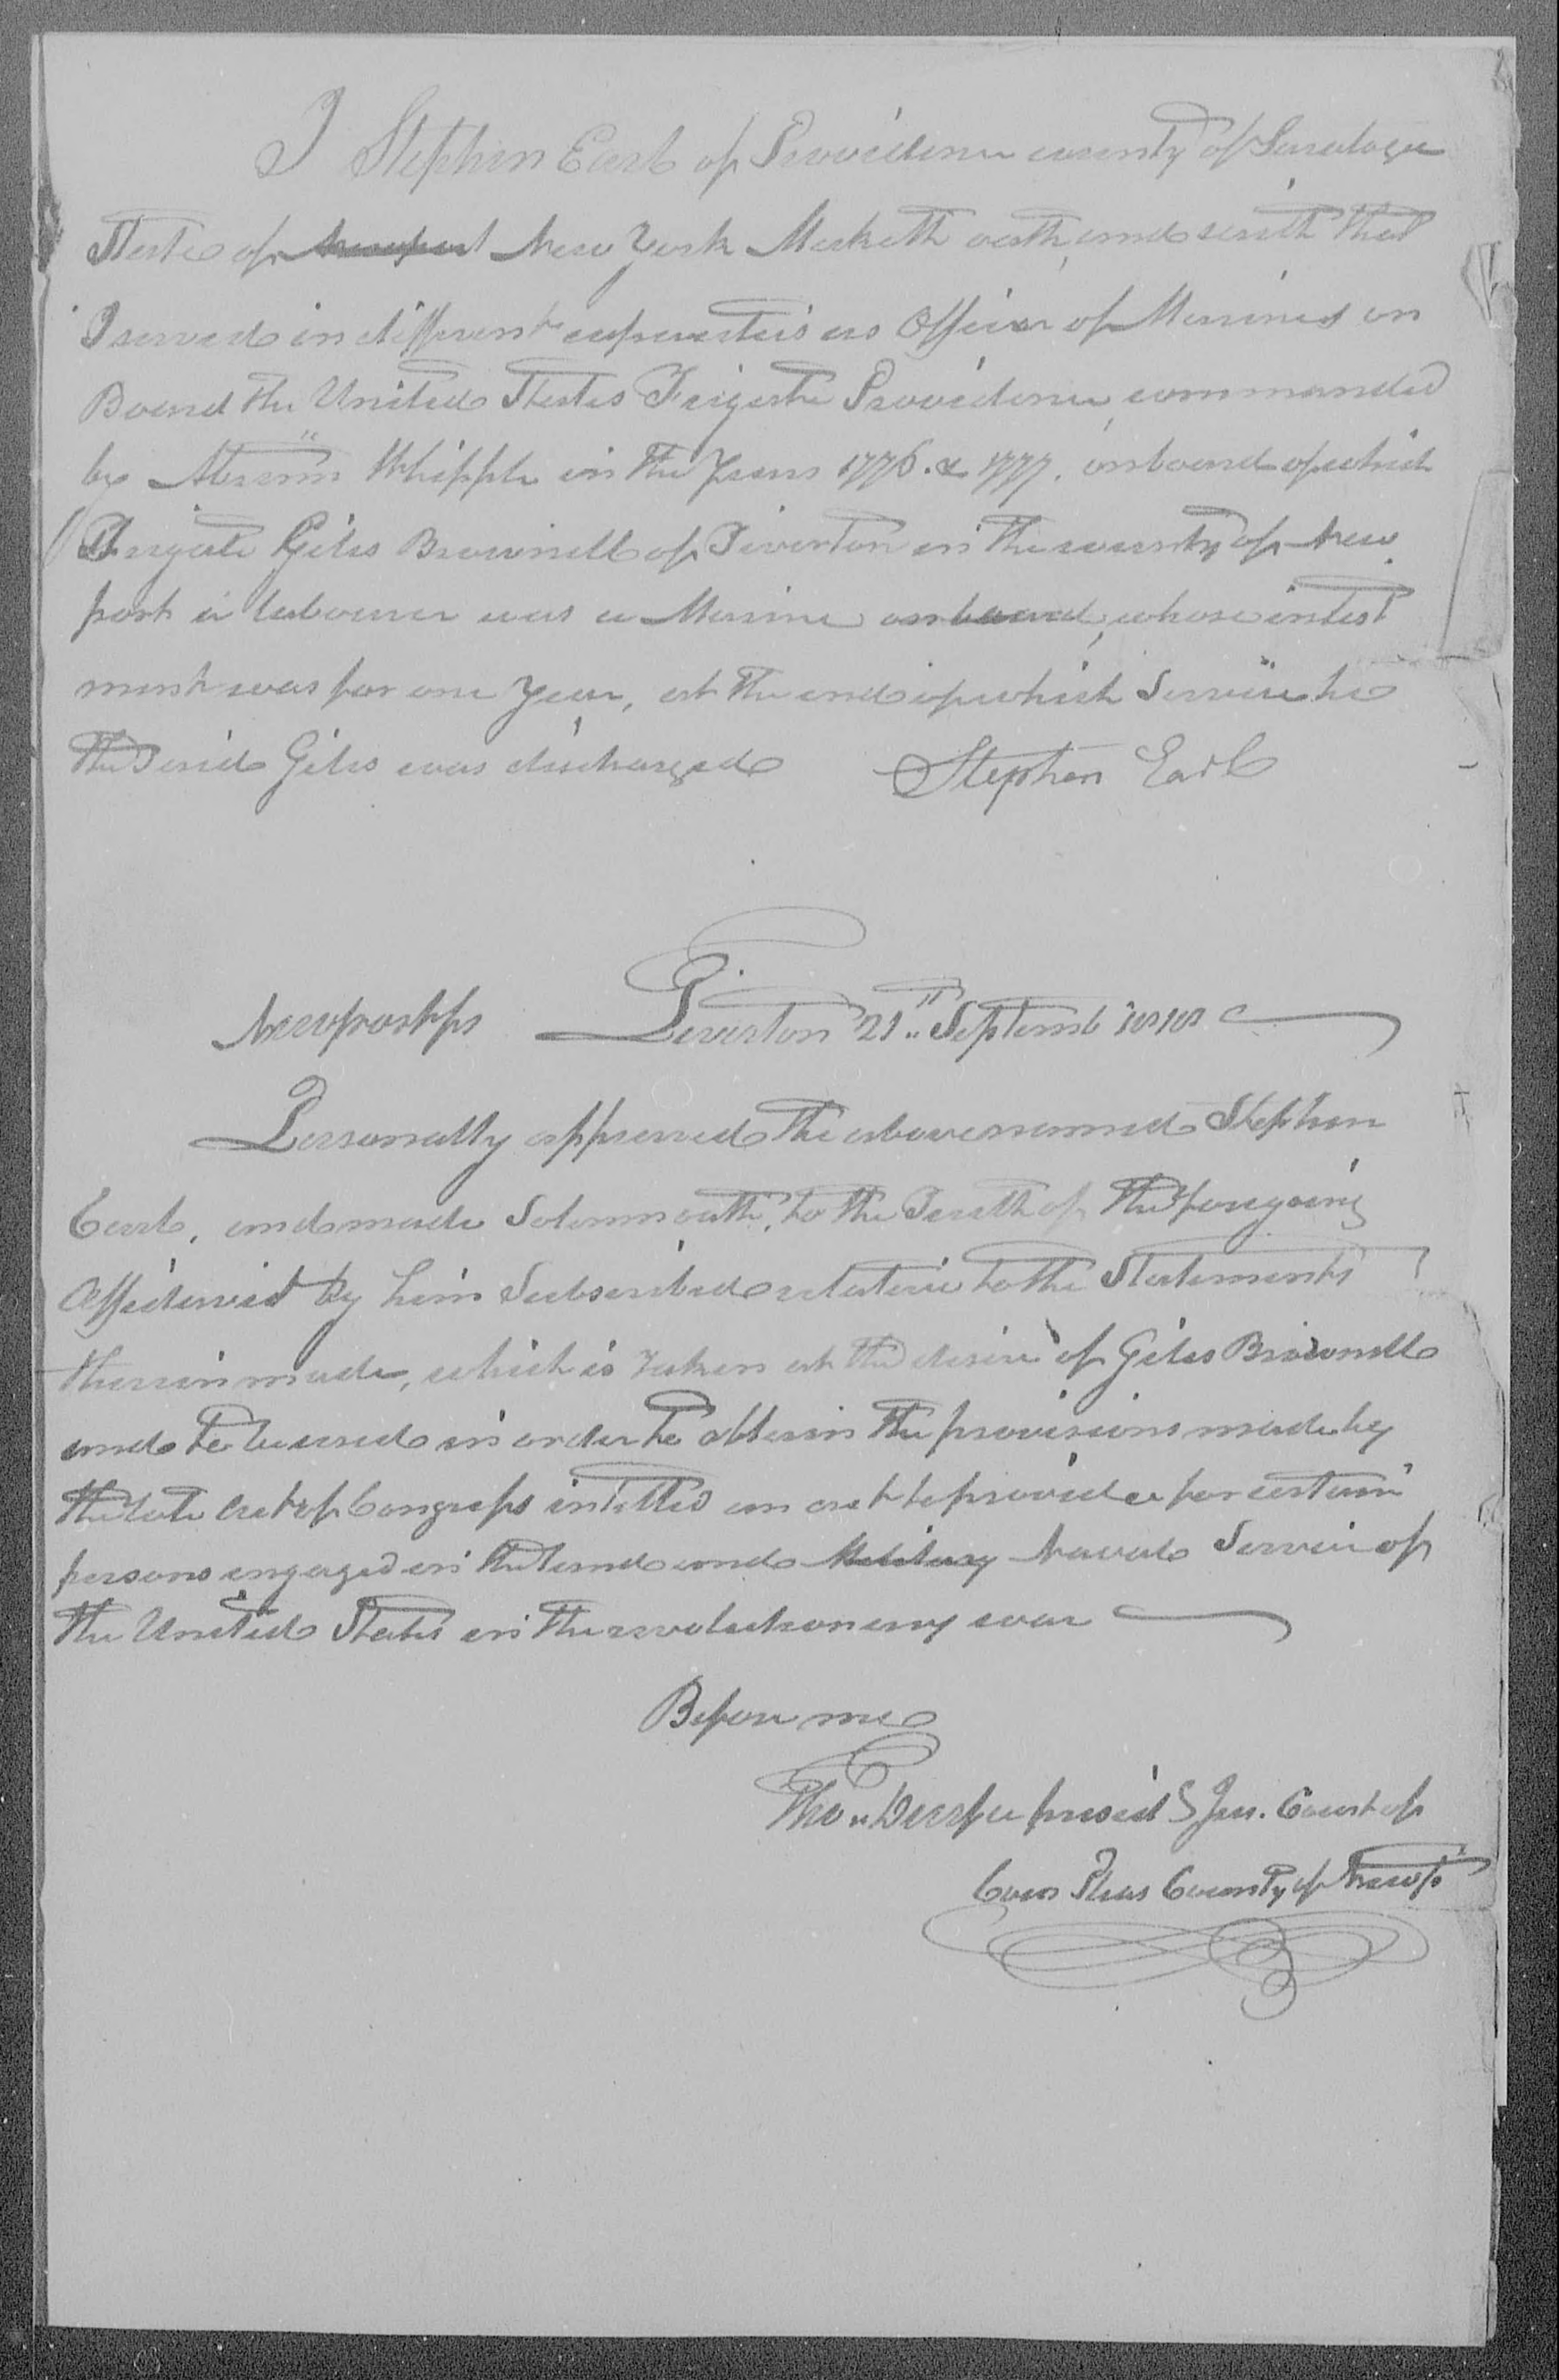I Stephen Earl of Providence county of Saratoga State of [word crossed through] New York Maketh oath and saith that I served in different capacities as Officer of Marines on Board the United States Frigate Providence commanded by Abraham Whipple in the years 1776 & 1777 onboard of which Frigate Giles Brownell of Tiverton in the county of Newport a labourer was a Marine onboard, whose enlistment was for one year, at the end of which service he the said Giles was discharged
[signature]
Stephen Earl
Newport ss. Tiverton 21^st September 1818
Personally appeared the above named Stephen Earl, and made Solemn oath to the Truth of the foregoing Affidavit by him Subscribed [illegible] to the Statements therein made, which is taken at the desire of Giles Brownell and to be [illegible] in order to obtain the provisions made by the late Act of Congress entitled an act to provide for certain persons engaged in the land and [word crossed through] naval Service of the United States in the revolutionary war - 
Before me
[signature] 
Thos Durfee [Jurist?] S [Judicial?] Court of [Common Pleas?] County of Newport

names: Giles Brownell, Giles, Tho Durfee, Abram Whipple, Stephen Earl, Stephen Earl, Giles Brownell, Stephen Earl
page: 8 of 12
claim: survivor's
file: S. 38579, Giles Brownell, Continental (R.I.) Navy